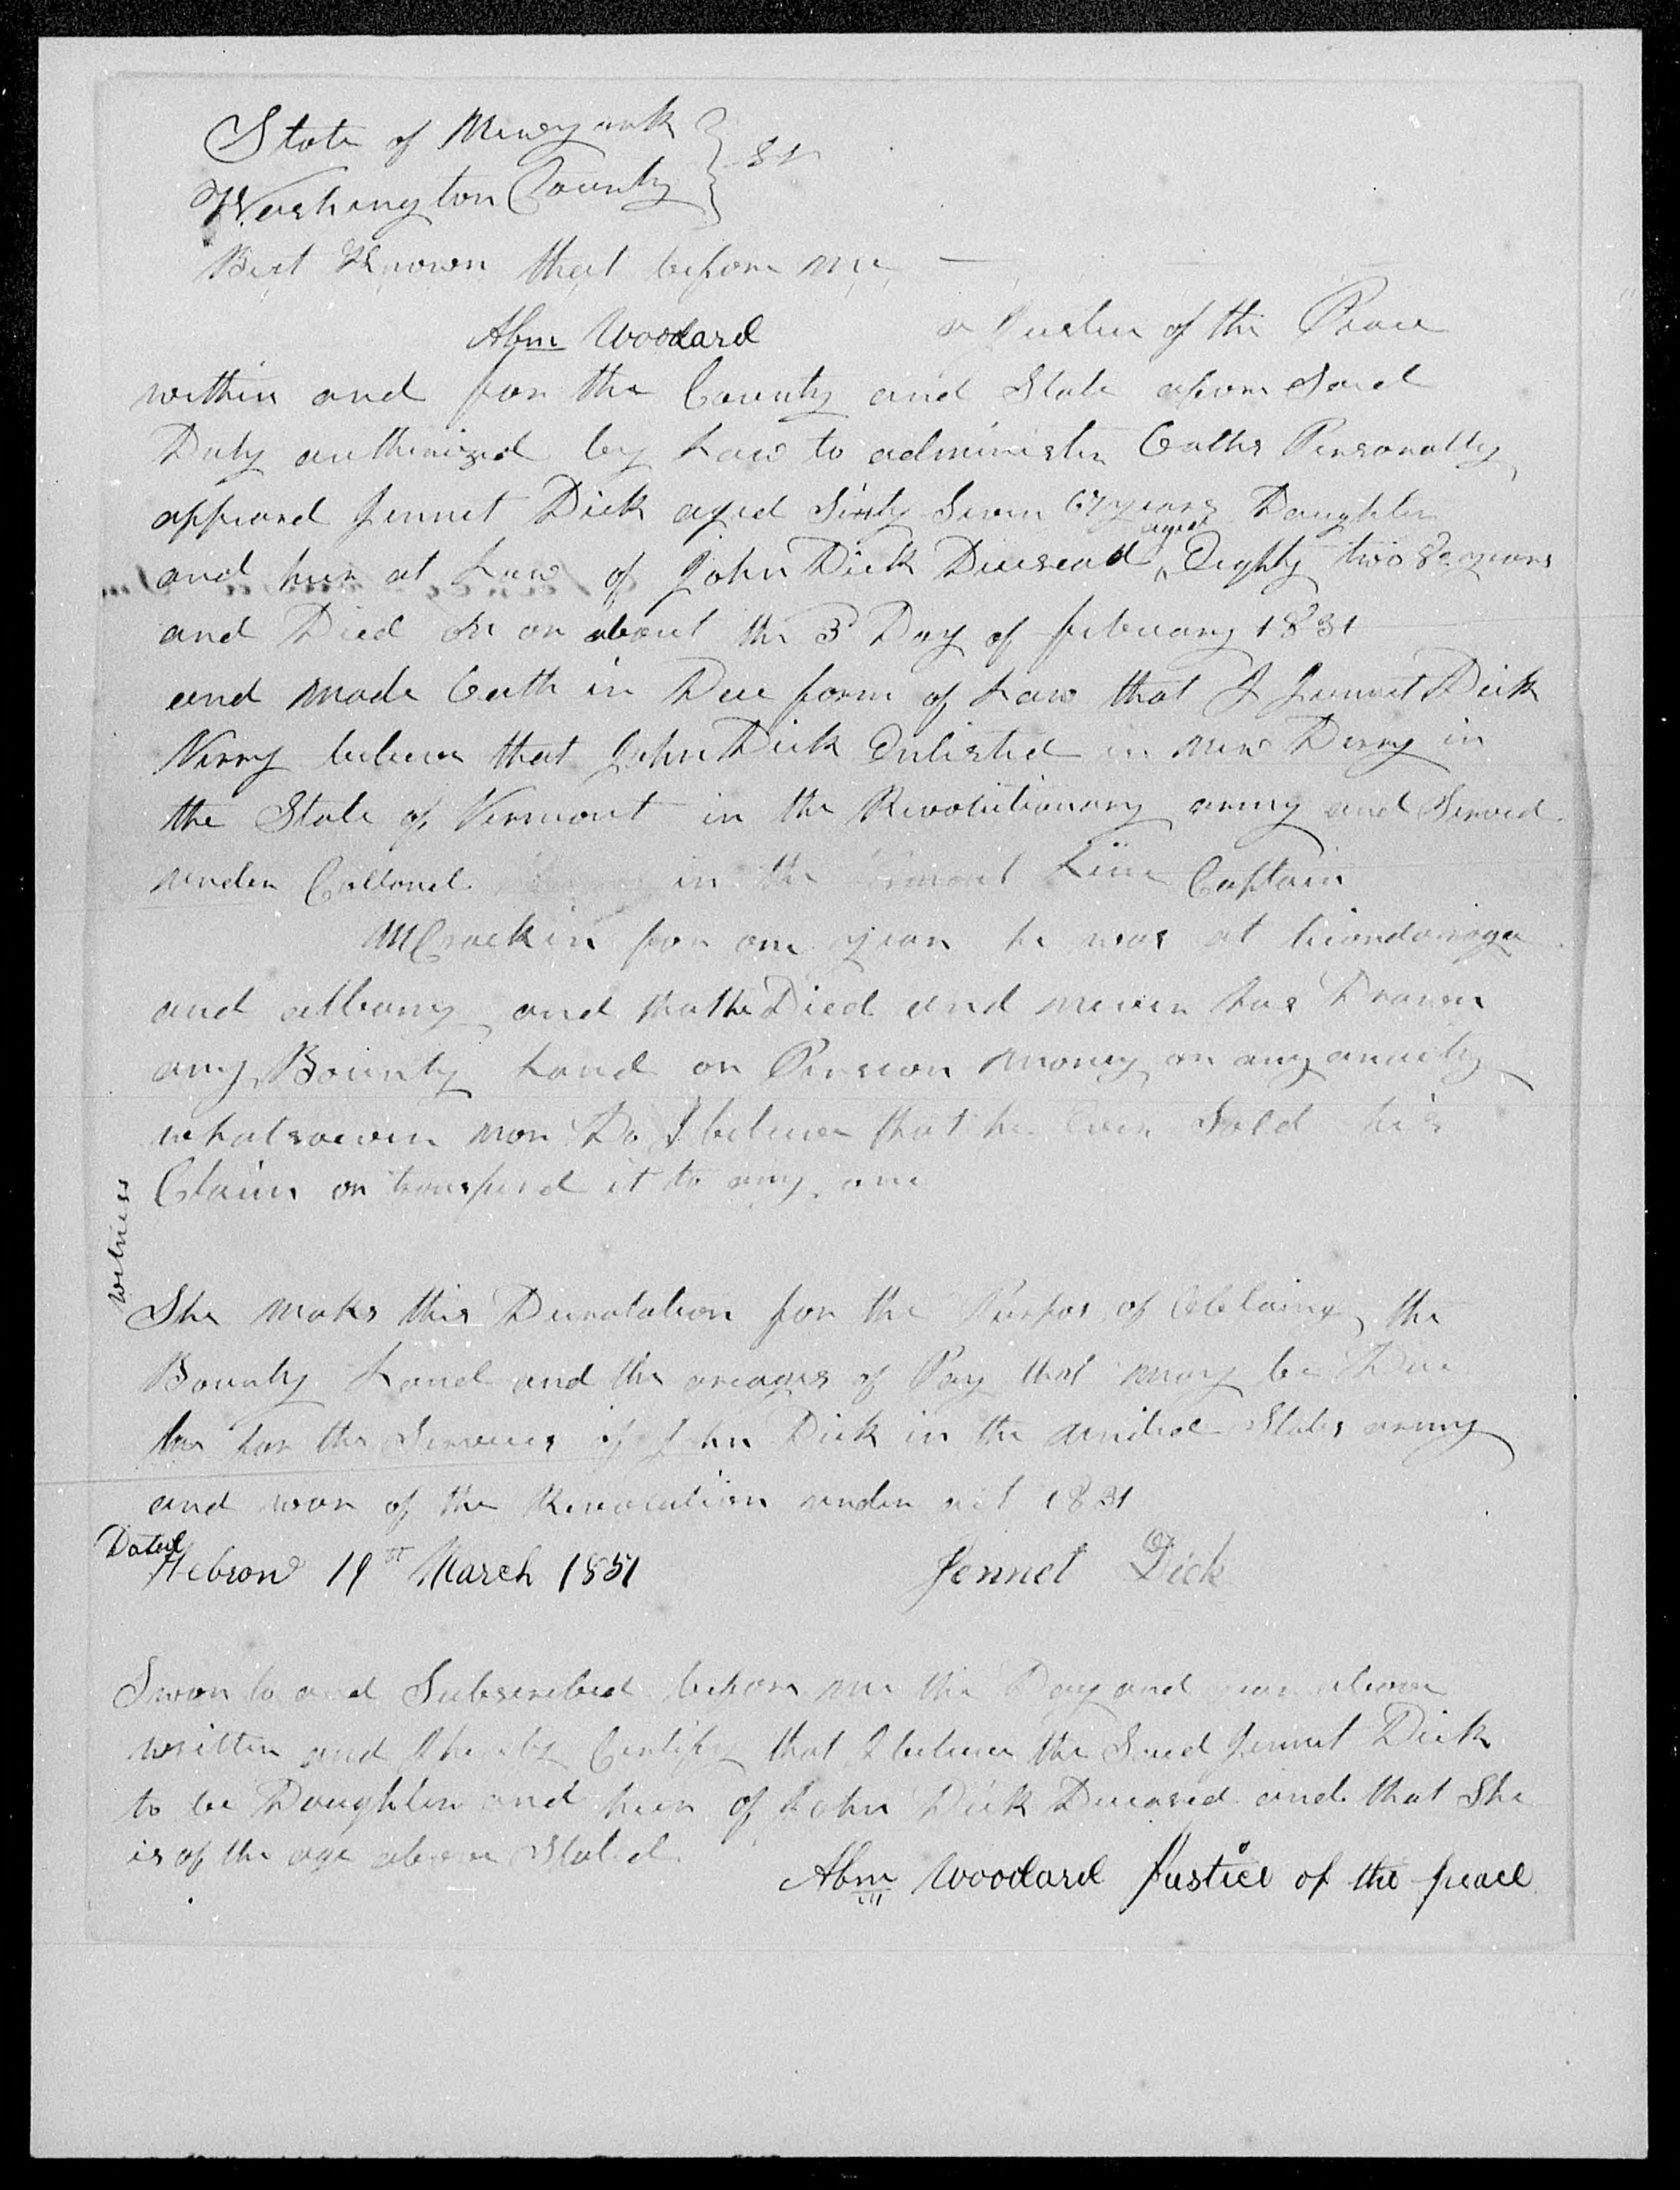State of New York
Washington County} ss
Be it known that before me -
Abram Woodard a Justice of the Peace with and for the County and State aforesaid Duly authorized by Law to administer Oaths Personally, approved Jennet Dick aged Sixty-Seven 67 years, Daughter and heir at Law of John Dick Deceased aged Eight two 82 years and Died on or about the 3 Day of February 1831 and made oath in Due form of Law that I Jennet Dick [illegible] believe that John dick Enlisted in [illegible] the State of Vermont in the Revolutionary army and Served under Colonel Henry in the Vermont Line.

Captain McCracken for one year he was at Ticonderoga and Albany and that he Died and never has Drawn any Bounty Land on Pension money or any annuity whatsoever, nor do I believe that he ever sold his Claim or transferred it to any one.

She makes this Declaration for the Purpose of Obtaining the Bounty Land and the arrears of Pay that may be Due her for the Service of John Dick in the United Stated army and War of the Revolution under Act 1831.
Dated Hebron 19th March 1851
/s/Jennet Dick 
Sworn to and Subscribed before me the Day and year above written and I hereby certify that I believe the Said Jennet Dick to be Daughter and heir of John Dick Deceased and that She is of the age above Stated.
/s/Abram Woodard Justice of the peace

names: John Dick, Jennet Dick, John Dick, Jennet Dick, John Dick, Jennet Dick, Abm Woodard, Jennet Dick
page: 6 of 9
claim: rejected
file: R. 2,930, John Dick, Vt.